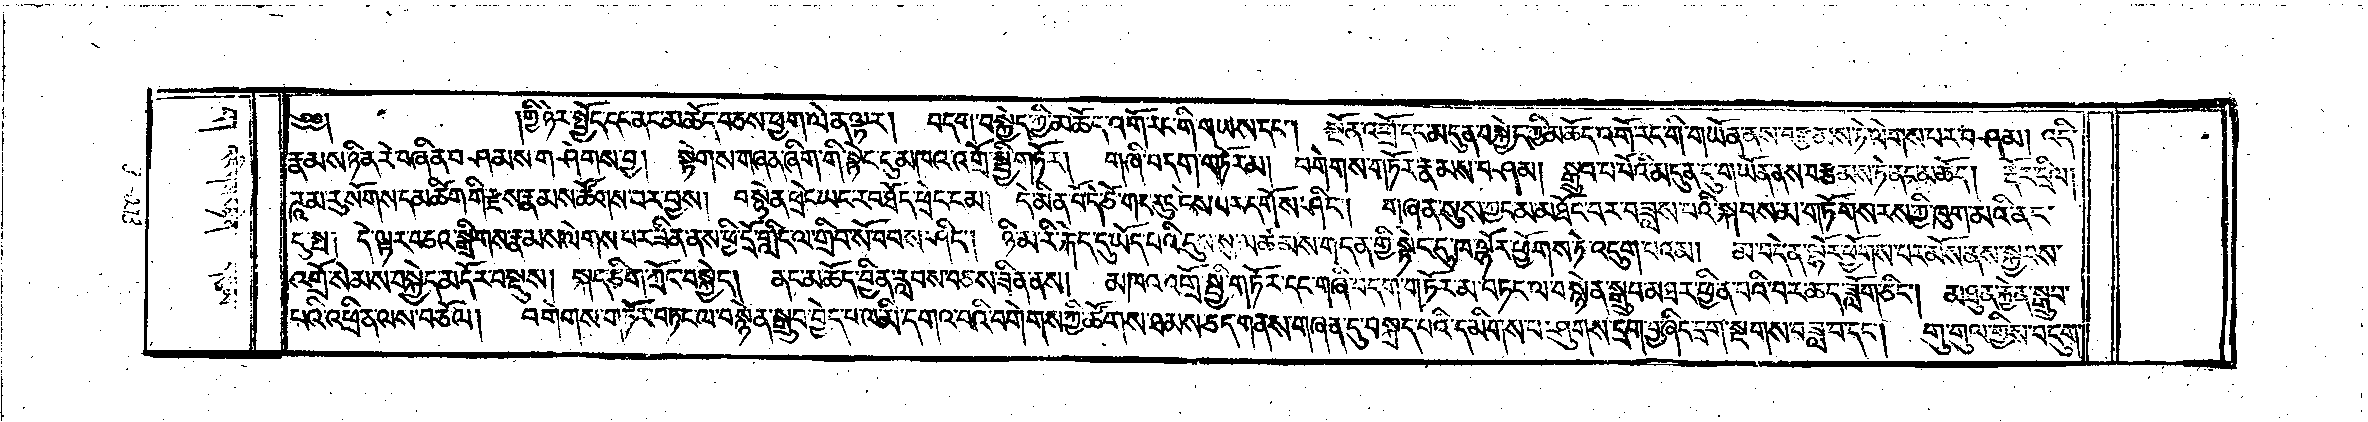༄༅། །གྱི་ཉེར་སྤྱོད་དང་ནང་མཆོད་བཅས་ཕྱག་ལེན་ལྟར། བདག་བསྐྱེད་ཀྱི་མཆོད་འགོ་རང་གི་གཡས་དང་། སྔོན་འགྲོ་དང་མདུན་བསྐྱེད་ཀྱི་མཆོད་འགོ་རང་གི་གཡོན་ནས་བརྩམས་ཏེ་ལེགས་པར་བཤམ། འདི་
རྣམ་ཉིན་རེ་བཞིན་བཤམས་གཤེགས་བྱ། སྟེགས་གཞན་ཞིག་གི་སྟེང་དུ་མཁའ་འགྲོ་སྤྱི་གཏོར། གཞི་བདག་གཏོར་མ། བགེགས་གཏོར་རྣམས་བཤམ། སྒྲུབ་པ་པོ་མདུན་དུ་གཡོན་ནས་བརྩམས་ཏེ་ནང་མཆོད། རྡོར་དྲིལ།
ཌཱམ་རུ་སོགས་དམ་ཚིག་གི་རྫས་རྣམས་ཚོགས་པར་བྱས། བསྙེན་ཕྲེང་ཡང་རབ་ཐོད་ཕྲེང་ངམ། དེ་མིན་བོད་ཙེ་གང་རུང་ངེས་པར་དགོས་ཤིང་། གཞན་སུས་ཀྱང་མ་མཐོང་བར་བཟླས་པའི་སྐབས་མ་གཏོགས་རས་ཀྱི་ཁུ་མའི་ནང་
དུ་སྤ། དེ་ལྟར་བཅའ་སྒྲིགས་རྣམས་ལེགས་པར་ཟིན་ནས་ཕྱི་དྲོ་གླིང་ལ་གྲིབ་སོ་བབས་ཤིང་། ཉི་མ་རི་རྐེད་དུ་ཡོད་པའི་དུས་སུ་མཚམས་གདན་གྱི་སྟེང་དུ་ཁ་ལྷོར་ཕྱོགས་ཏེ་འདུག་པའམ། མ་བདེན་ལྷོར་ཕྱོགས་པར་མོས་ནས་སྐྱབས་
འགྲོ་སེམས་བསྐྱེད་མདོར་བསྡུས། སྐད་ཅིག་ཀྲོང་བསྐྱེད། ནང་མཆོད་བྱིན་རླབས་བཅས་ཟིན་ནས། མཁའ་འགྲོ་སྤྱི་གཏོར་དང་གཞི་བདག་གཏོར་མ་བཏང་ལ་བསྙེན་སྒྲུབ་མཐར་ཕྱིན་པའི་བར་ཆད་ཟློག་ཅིང་། མཐུན་རྐྱེན་སྒྲུབ་
པའི་འཕྲིན་ལས་བཅོལ། བགེགས་གཏོར་བཏང་ལ་བསྙེན་སྒྲུབ་བྱེད་པ་ལ་མི་དགའ་བའི་བགེགས་ཀྱི་ཚོགས་ཐམས་ཅད་གནས་གཞན་དུ་བསྐྲད་པའི་དམིགས་པ་ཤུགས་དྲག་བྱ་ཞིང་དྲག་སྔགས་བཟླ་བ་དང་། གུ་གུལ་གྱིས་བདུག་